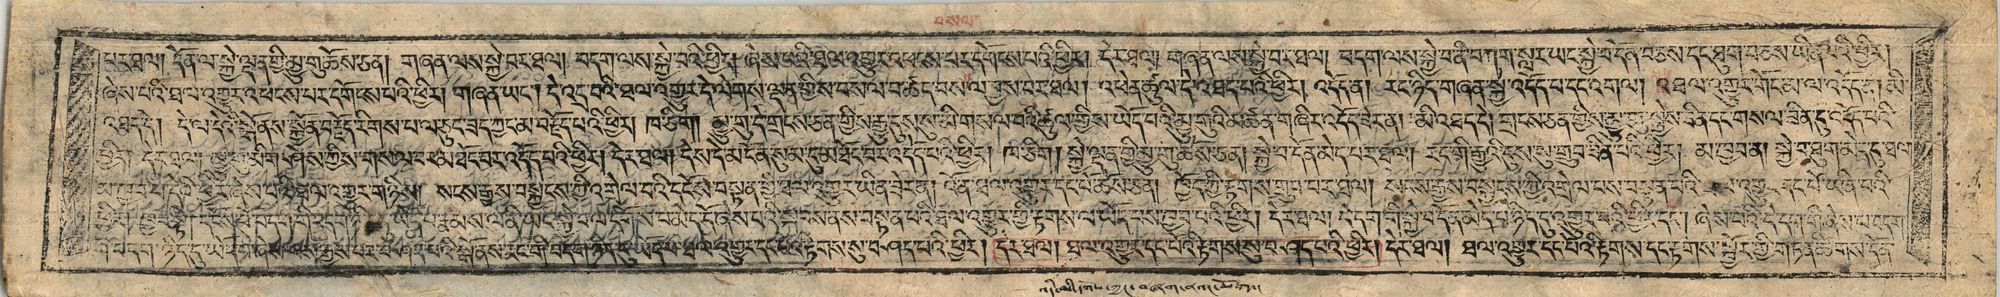པར་ཐལ། དོན་ལ་སྐྱེ་ལྡན་གྱི་མྱུ་གུ་ཆོས་ཅན། གཞན་ལས་སྐྱེ་བར་ཐལ། བདག་ལས་སྐྱེ་བའི་ཕྱིར། ཞེས་པའི་ཐལ་འགྱུར་འཕངས་པར་དགོངས་པའི་ཕྱིར། དེར་ཐལ། གཞན་ལས་སྐྱེ་བར་ཐལ། བདག་ལས་སྐྱེ་བ་ནི་བཀག་སླར་ཡང་སྐྱེ་བ་དོན་བཅས་དང་ཐུག་བཅས་ཡིན་པའི་ཕྱིར།
ཞེས་པའི་ཐལ་འགྱུར་འཕངས་པར་དགོངས་པའི་ཕྱིར། གཞན་ཡང་། དེ་འདྲ་བའི་ཐལ་འགྱུར་དེ་ལེགས་ལྡན་གྱིས་བསལ་བ་ཚད་བསལ་བྱས་བར་ཐལ། འཕེན་ཚུལ་དེ་འཐད་པའི་ཕྱིར། འདོད་ན། རང་ཉིད་གཞན་སྐྱེ་འདོད་པ་དང་འགལ། ཐལ་འགྱུར་གོང་མ་ལ་འདོད་ན། མི་
འཐད་དེ། དེ་ལ་དེའི་སྒོ་ནས་སྐྱོན་བརྗོད་རིགས་པ་ལ་ཅུང་ཟད་ཀྱང་མ་བརྗོད་པའི་ཕྱིར། ཁ་ཅིག །མྱུ་གུ་དེ་གྲངས་ཅན་གྱིས་རྒྱུ་དུས་སུ་མི་གསལ་བའི་ཚུལ་གྱིས་ཡོད་པའི་མྱུ་གུའི་མཚན་གཞིར་འདོད་ཟེར་ན། མི་འཐད་དེ། གྲངས་ཅན་གྱིས་མྱུ་གུ་སྐྱེས་ཟིན་དང་གསལ་ཟིན་དུ་འདོད་པའི་
ཕྱིར། དེར་ཐལ། མྱུ་གུ་མིག་ཤེས་ཀྱིས་གསལ་བངྨྠོང་བར་འདོད་པའི་ཕྱིར། དེར་ཐལ། དེས་དེ་མངོན་སུམ་དུ་མཐོང་བར་འདོད་པའི་ཕྱིར། ཁ་ཅིག །སྐྱེ་ལྡན་གྱི་མྱུ་གུ་ཆོས་ཅན། སྐྱེ་བ་དོན་མེད་པར་ཐལ། རང་གི་རྒྱུའི་དུས་སུ་གྲུབ་ཟིན་པའི་ཕྱིར། མ་ཁྱབ་ན། སྐྱེ་བ་ཐུག་མེད་དུ་ཐལ་
མ་ཁྱབ་པ་དེའི་ཕྱིར་ཞེས་པའི་ཐལ་འགྱུར་གཉིས། སངས་རྒྱས་བསྐྱངས་ཀྱི་འགྲེལ་བའི་དངོས་བསྟན་གྱི་ཐལ་འགྱུར་ཡིན་ཟེར་ན། འོ་ན་ཐལ་འགྱུར་དང་པོ་ཆོས་ཅན། ཁྱོད་ཀྱི་རྟགས་གྲུབ་པར་ཐལ། སངས་རྒྱས་བསྐྱངས་ཀྱི་འགྲེལ་པས་བསྟན་པའི་ཐལ་འགྱུར་དང་པོ་ཡིན་པའི་
ཕྱིར། ཁྱབ་སྟེ། དངོས་པོ་བདག་གི་བདག་ཉིད་དུ་ཡོད་པ་རྣམས་ལ་ནི་ཡང་སྐྱེ་བ་ལ་དགོས་པ་མེད་དོ་ཞེས་པའི་སྐབས་ནས་བསྟན་པའི་ཐལ་འགྱུར་གྱི་རྟགས་ལ་ཡོད་པས་ཁྱབ་པའི་ཕྱིར། དེར་ཐལ། དེ་དག་གི་སྐྱེ་བ་དོན་མེད་པ་ཉིད་དུ་འགྱུར་བའི་ཕྱིར་དང་། ཞེས་པའི་དེ་དག་གི་ཞེས་པ་བདག་
གི་བདག་ཉིད་དུ་ཡོད་པ་ཞེས་པས་རྒྱས་པར་བཤད་པའི་སྒོ་ནས་རང་གི་བདག་ཉིད་དུ་ཡོད་པ་ཐལ་འགྱུར་དང་པོའི་རྟགས་སུ་བཤད་པའི་ཕྱིར། དེར་ཐལ། ཐལ་འགྱུར་དང་པོའི་རྟགས་སུ་བཤད་པའི་ཕྱིར། དེར་ཐལ། ཐལ་འགྱུར་དང་པོའི་རྟགས་དང་རྟགས་སྦྱོར་གྱི་གཏན་ཚིགས་དོན་